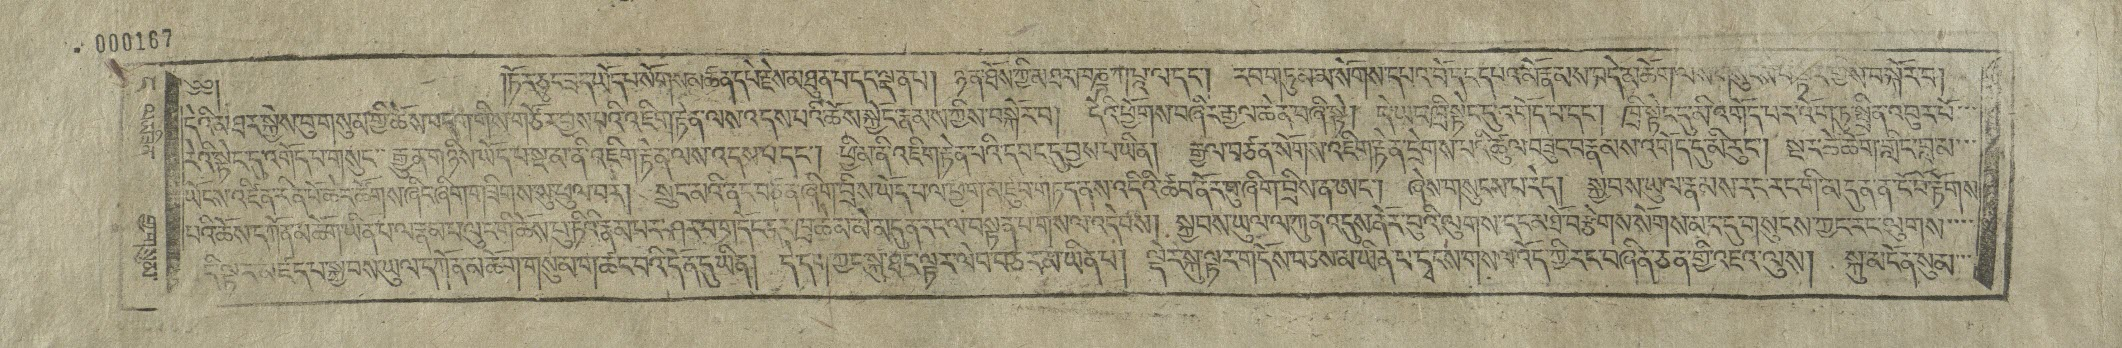༄༅། །ཏོར་ཅུང་ཟད་ཡོད་པ་སོགས་མཚན་དཔེ་རྗེས་མཐུན་པ་དང་ལྡན་པ། ཉན་ཐོས་ཀྱི་མཐར་ཁཎཌ་ཀ་པཱ་ལ་དང་། རབ་གཏུམ་མ་སོགས་དཔའ་བོ་དང་དཔའ་མོ་རྣམས་བདེ་མཆོག་ལས་གསུངས་པ་ལྟར་གྱིས་བསྐོར་བ།
དེའི་མཐར་སྐྱེས་བུ་གསུམ་གྱི་ཆོས་བདག་གིས་གཙོར་བྱས་པའི་འཇིག་རྟེན་ལས་འདས་པའི་ཆོས་སྐྱོང་རྣམས་ཀྱིས་བསྐོར་བ། དེའི་ཕྱོགས་བཞིར་རྒྱལ་ཆེན་བཞི་སྟེ། དེ་ཡང་ཁྲི་སྟེང་དུ་འགོད་པ་དང་། ཁྲི་སྟེང་དུ་མི་འགོད་པར་འོག་ཏུ་སྤྲིན་འབུར་པོ་
རེའི་སྟེང་དུ་འགོད་པ་གསུང་རྒྱུན་གཉིས་ཡོད་པ་སྔ་མ་ནི་འཇིག་རྟེན་ལས་འདས་པ་དང་། ཕྱི་མ་ནི་འཇིག་རྟེན་པའི་དབང་དུ་བྱས་པ་ཡིན། རྒྱལ་བཙན་སོགས་འཇིག་རྟེན་དྲེགས་པའི་ཚུལ་བཟུང་བ་རྣམས་འགོད་དུ་མི་རུང་། སྔར་ཚེ་ཆོག་གླིང་བླ་མ་
ཡོངས་འཛིན་རིན་པོ་ཆེར་ཚོགས་ཞིང་ཞིག་གཟིགས་སུ་ཕུལ་བར། སྲུང་མའི་ནང་བཙན་ཞིག་བྲིས་ཡོད་པ་ལ་ཕྱག་མཛུབ་གཏད་ནས་འདིའི་ཚབ་ནོར་བུ་ཞིག་བྲིས་ན་ཨང་། ཞེས་གསུངས་པ་རེད། སྐྱབས་ཡུལ་རྣམས་རང་རང་གི་མདུན་ན་ངོ་བོ་རྟོགས་
པའི་ཆོས་དཀོན་མཆོག་ཡིན་པ་ལ་རྣམ་པ་ལུང་གི་ཆོས་པུ་ཏིའི་རྣམ་པར་ཤར་བ་གདོང་དར་ཁྲ་ཆེ་མ་མེ་མདུན་རང་ལ་བསྟན་པ་གསལ་འདེབས། སྐྱབས་ཡུལ་ལ་ཀུན་འདུས་ནོར་བུའི་ལུགས་དང་མཐོ་བརྩེགས་སོགས་མང་དུ་གསུངས་ཀྱང་རང་ལུགས་
འདི་ལྟར་མཛད་པ་སྐྱབས་ཡུལ་དཀོན་མཆོག་གསུམ་ག་ཚང་བའི་དོན་དུ་ཡིན། དེ་དག་ཀྱང་སྐུ་ཐང་ལྟར་ལེབ་བཅར་མ་ཡིན་པ། ལྡེར་སྐུ་ལྟར་གདོས་བཅས་མ་ཡིན་པ་དྭངས་གསལ་འོད་ཀྱི་རང་བཞིན་ཅན་གྱི་འཇའ་ལུས། སྐུ་མངོན་སུམ་